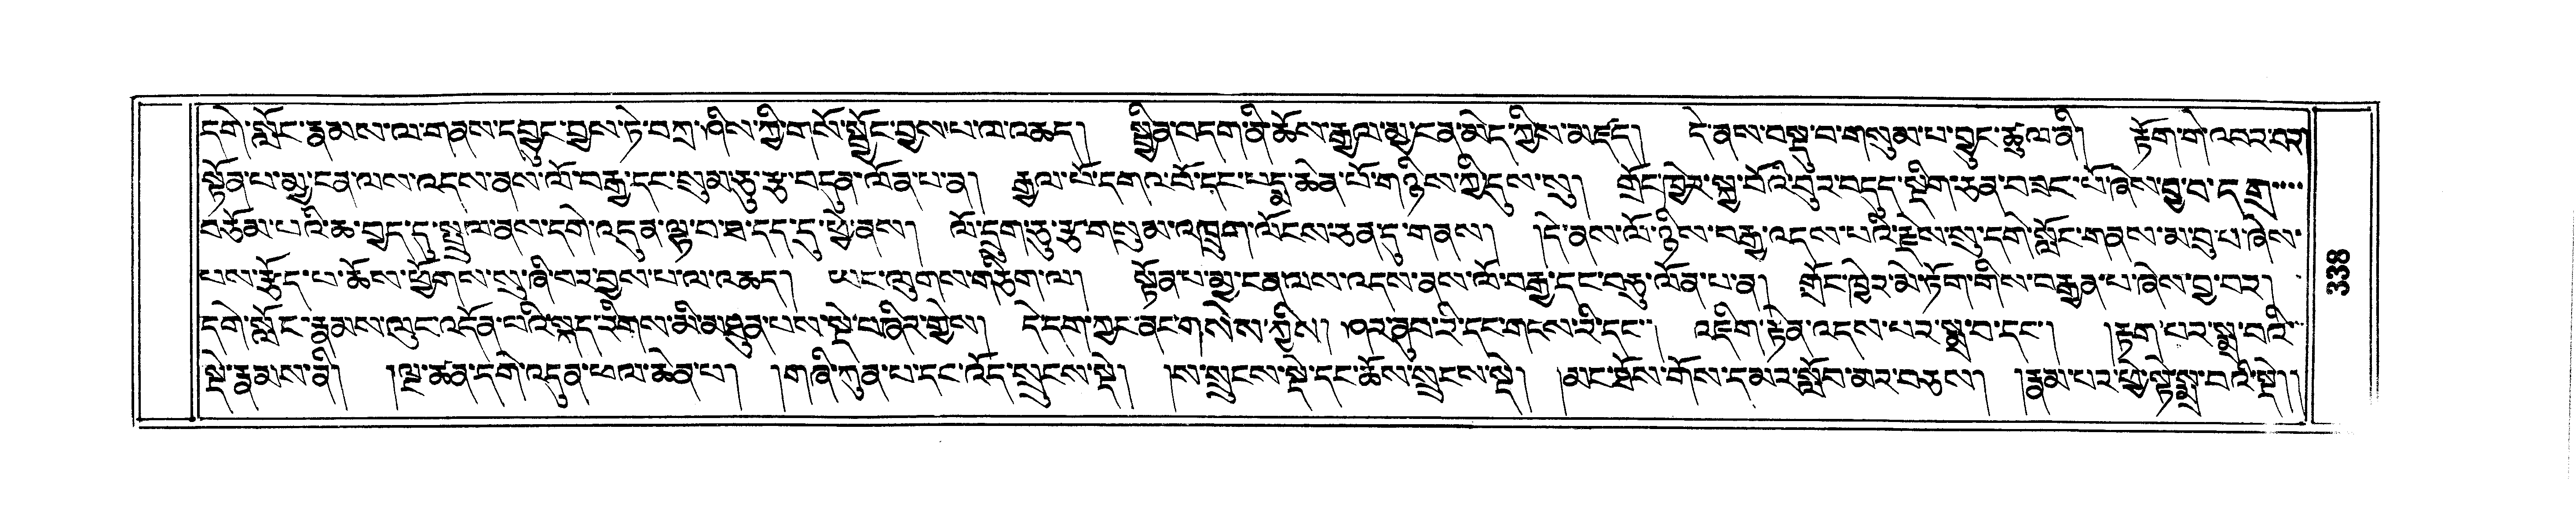དགེ་སློང་རྣམས་ལ་གནས་དབྱུང་བྱས་ཏེ་བཀྲ་ཤིས་ཀྱི་གསོ་སྦྱོང་བྱས་པ་ལ་འཆད། སྦྱིན་བདག་ནི་ཆོས་རྒྱལ་མྱ་ངན་མེད་ཀྱིས་མཛད། དེ་ནས་བསྡུ་བ་གསུམ་པ་བྱུང་ཚུལ་ནི། རྟོག་གི་འབར་བར་
སྟོན་པ་མྱ་ངན་ལས་འདས་ནས་ལོ་བརྒྱ་དང་སུམ་ཅུ་རྩ་བདུན་ལོན་པ་ན། རྒྱལ་པོ་དགའ་བོ་དང་པདམ་ཆེན་པོ་གཉིས་ཀྱི་དུས་སུ། གྲོང་ཁྱེར་སྐྱ་བོའི་བུར་བདུད་སྡིག་ཅན་བཟང་པོ་ཞེས་བྱ་བ་དགྲ་
བཅོམ་པའི་ཆ་བྱད་དུ་སྤྲུལ་ནས་དགེ་འདུན་ལྟ་བ་ཐ་དད་དུ་ཕྱེ་ནས། ལོ་དྲུག་ཅུ་རྩ་གསུམ་འཁྲུག་ལོངས་ཅན་དུ་གནས། །དེ་ནས་ལོ་ཉིས་བརྒྱ་འདས་པའི་རྗེས་སུ་དགེ་སློང་གནས་མ་བུ་པ་ཞེས་
པས་རྩོད་པ་ཆོས་ཕྱོགས་སུ་ཞི་བར་བྱས་པ་ལ་འཆད། ཡང་ལུགས་གཅིག་ལ། སྟོན་པ་མྱ་ངན་ལས་འདས་ནས་ལོ་བརྒྱ་དང་བཅུ་ལོན་པ་ན། གྲོང་ཁྱེར་མེ་ཏོག་གིས་བརྒྱན་པ་ཞེས་བྱ་བར།
དགེ་སློང་རྣམས་ལུང་འདོན་པའི་སྐད་རིགས་མི་མཐུན་པས་སྡེ་བཞིར་གྱེས། དེ་དག་ཀྱང་ནང་གསེས་ཀྱིས། ཤར་ནུབ་རི་དང་གངས་རི་དང་། འཇིག་རྟེན་འདས་པར་སྨྲ་བ་དང་། །རྟག་པར་སྨྲ་བའི་
སྡེ་རྣམས་ནི། །ལྔ་ཚན་དགེ་འདུན་ཕལ་ཆེན་པ། །གཞི་ཀུན་པ་དང་འོད་སྲུངས་སྡེ། །ས་སྲུངས་སྡེ་དང་ཆོས་སྲུངས་སྡེ། །མང་ཐོས་གོས་དམར་སློབ་མར་བཅས། །རྣམ་པར་ཕྱེ་སྟེ་སྨྲ་བའི་སྡེ། །